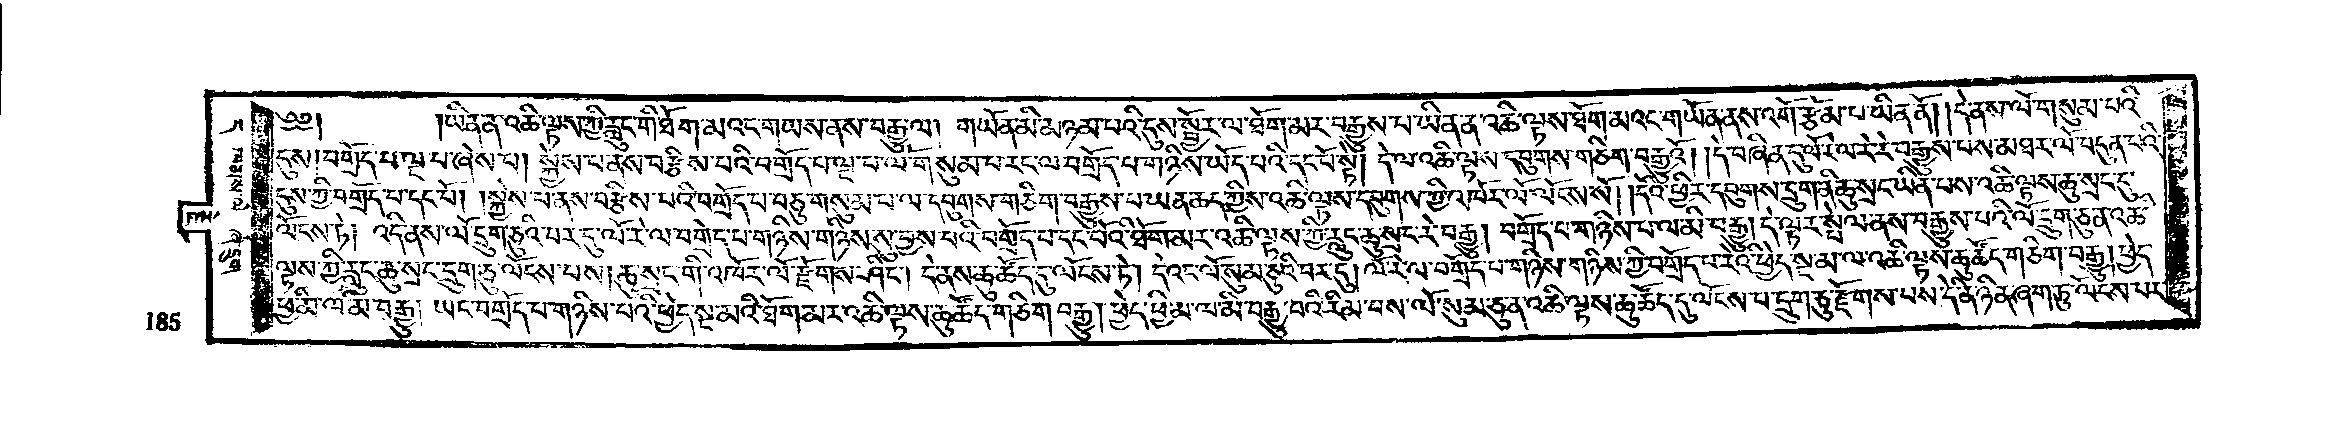༄༅། །ཡིན་ན་འཆི་ལྟས་ཀྱི་རླུང་གི་ཐོག་མའང་གཡས་ནས་བརྒྱུ་ལ། གཡོན་མི་མཉམ་པའི་དུས་སྦྱོར་ལ་ཐོག་མར་བརྒྱུས་པ་ཡིན་ན་འཆི་ལྟས་ཐོག་མའང་གཡོན་ནས་འགོ་རྩོམ་པ་ཡིན་ནོ། །དེ་ནས་ལོ་གསུམ་པའི་
དུས། བགྲོད་པ་ལྔ་པ་ཞེས་པ། སྐྱེས་པ་ནས་བརྩིས་པའི་བགྲོད་པ་ལྔ་པ་ལོ་གསུམ་པ་རང་ལ་བགྲོད་པ་གཉིས་ཡོད་པའི་དང་པོ་སྟེ། དེ་ལ་འཆི་ལྟས་དབུགས་གཅིག་བརྒྱུའོ། །དེ་བཞིན་དུ་ལོ་རེ་ལ་རེ་རེ་བརྒྱུས་པས་མཐར་ལོ་བདུན་པའི་
དུས་ཀྱི་བགྲོད་པ་དང་པོ། །སྐྱེས་པ་ནས་བརྩིས་པའི་བགྲོད་པ་བཅུ་གསུམ་པ་ལ་དབུགས་གཅིག་བརྒྱུས་པ་ཡན་ཆད་ཀྱིས་འཆི་ལྟས་དབུགས་ཀྱི་འཁོར་ལོ་ལོངས་སོ། །དེའི་ཕྱིར་དབུགས་དྲུག་ནི་ཆུ་སྲང་ཡིན་པས་འཆི་ལྟས་ཆུ་སྲང་དུ་
ལོངས་ཏེ། འདི་ནས་ལོ་དྲུག་ཅུའི་བར་དུ་ལོ་རེ་ལ་བགྲོད་པ་གཉིས་གཉིས་སུ་བྱས་པའི་བགྲོད་པ་དང་པོའི་ཐོག་མར་འཆི་ལྟས་ཀྱི་རླུང་ཆུ་སྲང་རེ་བརྒྱུ། བགྲོད་པ་གཉིས་པ་ལ་མི་བརྒྱུ། དེ་ལྟར་སྤེལ་ནས་བརྒྱུས་པའི་ལོ་དྲུག་ཅུ་ན་འཆི་
ལྟས་ཀྱི་རླུང་ཆུ་སྲང་དྲུག་ཅུ་ལོངས་པས། ཆུ་སྲང་གི་འཁོར་ལོ་རྫོགས་ཤིང་། དེ་ནས་ཆུ་ཚོད་དུ་ལོངས་ཏེ། དེའང་ལོ་སུམ་ཅུའི་བར་དུ། ལོ་རེ་ལ་བགྲོད་པ་གཉིས་གཉིས་ཀྱི་བགྲོད་པ་རེའི་ཕྱེད་སྔ་མ་ལ་འཆི་ལྟས་ཆུ་ཚོད་གཅིག་བརྒྱུ། ཕྱེད་
ཕྱི་མ་ལ་མི་བརྒྱུ། ཡང་བགྲོད་པ་གཉིས་པའི་ཕྱེད་སྔ་མའི་ཐོག་མར་འཆི་ལྟས་ཆུ་ཚོད་གཅིག་བརྒྱུ། ཕྱེད་ཕྱི་མ་ལ་མི་བརྒྱུ་བའི་རིམ་པས་ལོ་སུམ་ཅུ་ན་འཆི་ལྟས་ཆུ་ཚོད་དུ་ལོངས་པ་དྲུག་ཅུ་རྫོགས་པས་དེ་ནི་ཉིན་ཞག་ཏུ་ལོངས་པར་